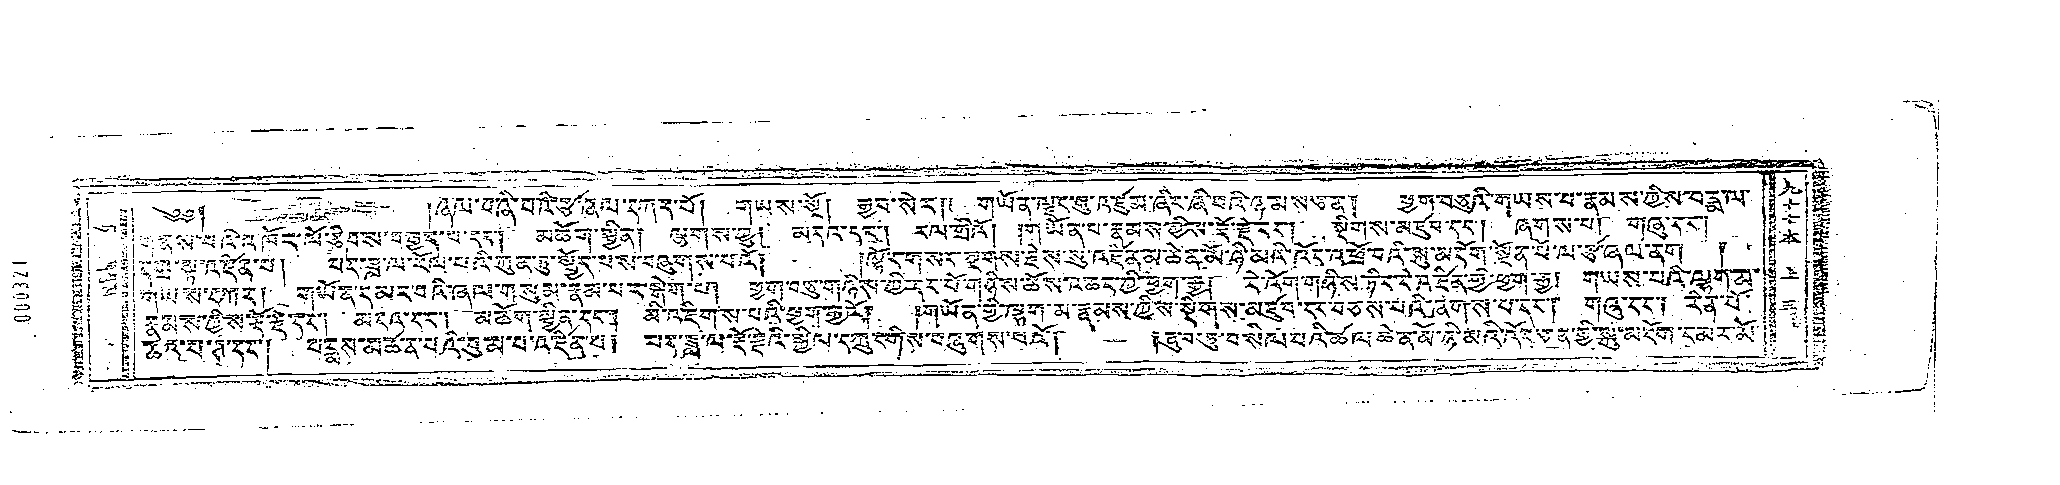༄༅། །ཞལ་བཞི་པའི་རྩ་ཞལ་དཀར་པོ། གཡས་སྔོ། རྒྱབ་སེར། གཡོན་ལྗང་གུ་འཛུམ་ཞིང་ཞི་བའི་ཉམས་ཅན། ཕྱག་བཅུའི་གཡས་པ་རྣམས་ཀྱིས་པདམ་ལ་
གནས་པའི་འཁོར་ལོ་རྩིབས་བརྒྱད་པ་དང་། མཆོག་སྦྱིན། །ལྕགས་ཀྱུ། མདའ་དང་། རལ་གྲིའོ། །གཡོན་པ་རྣམས་ཀྱིས་རྡོ་རྗེ་དང་། སྡིགས་མཛུབ་དང་། ཞགས་པ། གཞུ་དང་།
དགྲ་སྟ་འཛིན་པ། པད་ཟླ་ལ་རོལ་བའི་ཀུན་ཏུ་སྤྱོད་པས་བཞུགས་པའོ། །ལྷོར་གསང་སྔགས་རྗེས་སུ་འཛིན་མ་ཆེན་མོ་ཉི་མའི་འོད་འཕྲོ་བའི་སྐུ་མདོག་སྔོན་པོ་ལ་རྩ་ཞལ་ནག །
གཡས་དཀར། གཡོན་དམར་པའི་ཞལ་གསུམ་རྣམ་པར་སྒེག་པ། ཕྱག་བཅུ་གཉིས་ཀྱི་དང་པོ་གཉིས་ཆོས་འཆད་ཀྱི་ཕྱག་རྒྱ། དེ་འོག་གཉིས་ཏིང་ངེ་འཛིན་གྱི་ཕྱག་རྒྱ། གཡས་པའི་ལྷག་མ་
རྣམས་ཀྱིས་རྡོ་རྗེ་དང་། མདའ་དང་། མཆོག་སྦྱིན་དང་། མི་འཇིགས་པའི་ཕྱག་རྒྱའོ། །གཡོན་གྱི་ལྷག་མ་རྣམས་ཀྱིས་སྡིགས་མཛུབ་དང་བཅས་པའི་ཞགས་པ་དང་། གཞུ་དང་། རིན་པོ་
ཆེའི་པ་ཊ་དང་། པདམས་མཚན་པའི་བུམ་པ་འཛིན་པ། པད་ཟླ་ལ་རྡོ་རྗེའི་སྐྱིལ་དཀྲུང་གིས་བཞུགས་པའོ། །ནུབ་ཏུ་བསིལ་བའི་ཚལ་ཆེན་མོ་ཉི་མའི་འོད་ཅན་གྱི་སྐུ་མདོག་དམར་མོ་